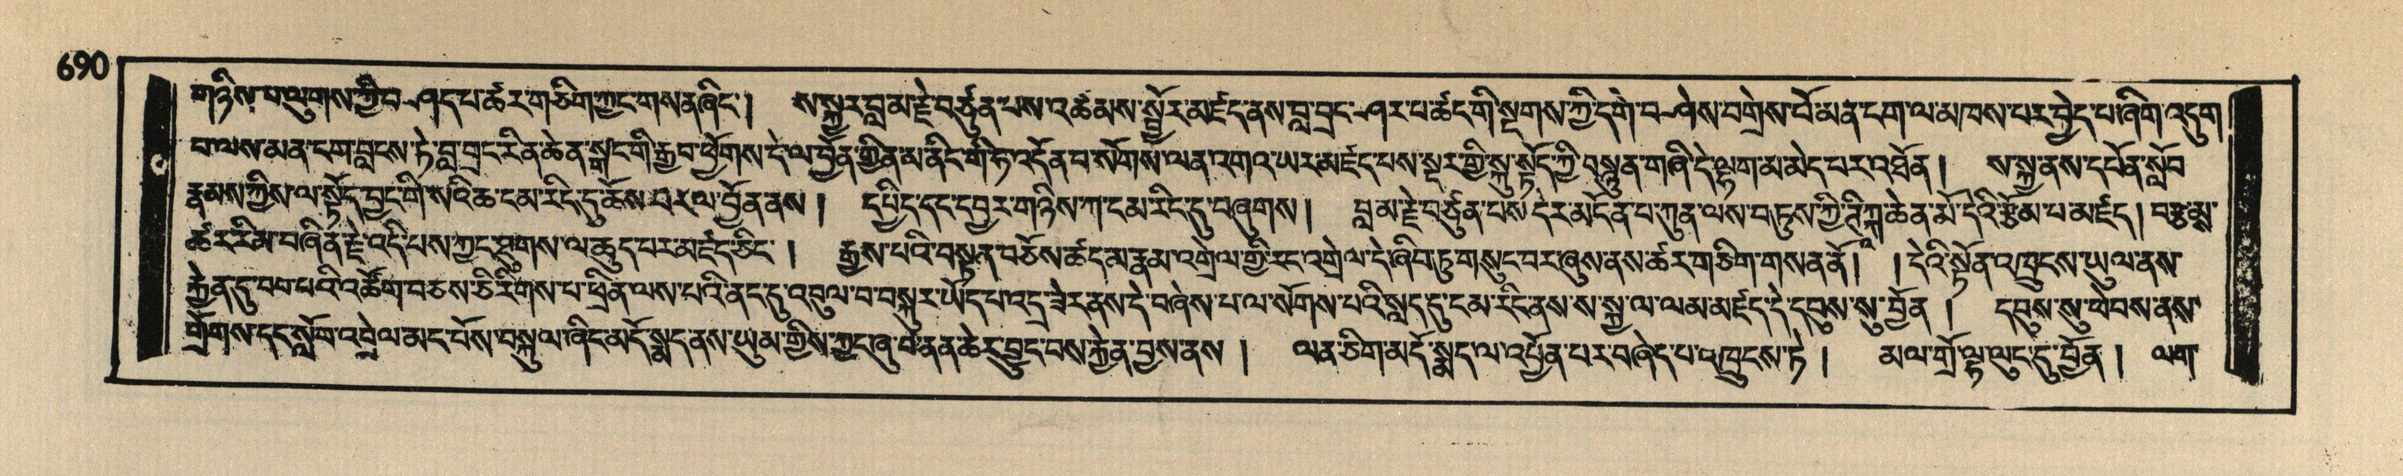གཉིས་པ་ལུགས་ཀྱི་བཤད་པ་ཚར་གཅིག་ཀྱང་གསན་ཞིང་། ས་སྐྱར་བླ་མ་རྗེ་བཙུན་པས་འཚམས་སྦྱོར་མཛད་ནས་བླ་བྲང་ཤར་པ་ཚང་གི་སྔགས་ཀྱི་དགེ་བཤེས་བགྲེས་པོ་མན་ངག་ལ་མཁས་པར་བྱེད་པ་ཞིག་འདུག་
པ་ལས་མན་ངག་བླངས་ཏེ་བླ་གྲང་རིན་ཆེན་སྒང་གི་རྒྱབ་ཕྱོགས་དེ་ལ་བྱོན་གྱིན་མ་ནིང་གི་ཧ་འདོན་པ་སོགས་ལན་འགའ་ཡར་མཛད་པས་སྔར་གྱི་སྐུ་སྟོད་ཀྱི་བསྙུན་གཞི་དེ་ལྷག་མ་མེད་པར་འཐོན། ས་སྐྱ་ནས་དཔོན་སློབ་
རྣམས་ཀྱིས་ལ་སྟོད་བྱང་གི་སའི་ཆ་ངམ་རིང་དུ་ཆོས་བར་ལ་བྱོན་ནས། དཔྱིད་དང་དབྱར་གཉིས་ཀ་ངམ་རིང་དུ་བཞུགས། བླ་མ་རྗེ་བཙུན་པས་དེར་མངོན་པ་ཀུན་ལས་བཏུས་ཀྱི་ཊཱིཀྐ་ཆེན་མོ་དེའི་རྩོམ་པ་མཛད། བརྩམས་
ཚར་རིམ་བཞིན་རྗེ་འདི་པས་ཀྱང་ཐུགས་ལ་ཆུད་པར་མཛད་ཅིང་། རྒྱས་པའི་བསྟན་བཅོས་ཚད་མ་རྣམ་འགྲེལ་གྱི་རང་འགྲེལ་དེ་ཞིབ་ཏུ་གསུང་བར་ཞུས་ནས་ཚར་གཅིག་གསན་ནོ། །དེའི་སྟོན་འཁྲུངས་ཡུལ་ནས་
རྐྱེན་དུ་བབ་པའི་འཚོག་བཅས་ཅི་རིགས་པ་ཕྲིན་ལས་པའི་ནང་དུ་འབུལ་བ་བསྐུར་ཡོད་པ་འདྲ་ཟེར་ནས་དེ་བཞེས་པ་ལ་སོགས་པའི་སླད་དུ་ངམ་རིང་ནས་ས་སྐྱ་ལ་ལམ་མཛད་དེ་དབུས་སུ་བྱོན། དབུས་སུ་ཕེབས་ནས་
གྲོགས་དང་སློབ་འབྲེལ་མང་པོས་བསྐུལ་ཞིང་མདོ་སྨད་ནས་ཡུམ་གྱིས་ཀྱང་ཞུ་བ་ནན་ཆེར་བྱུང་བས་རྐྱེན་བྱས་ནས། ལན་ཅིག་མདོ་སྨད་ལ་འབྱོན་པར་བཞེད་པ་འཁྲུངས་ཏེ། མལ་གྲོ་ལྷ་ལུང་དུ་བྱོན། ལག་